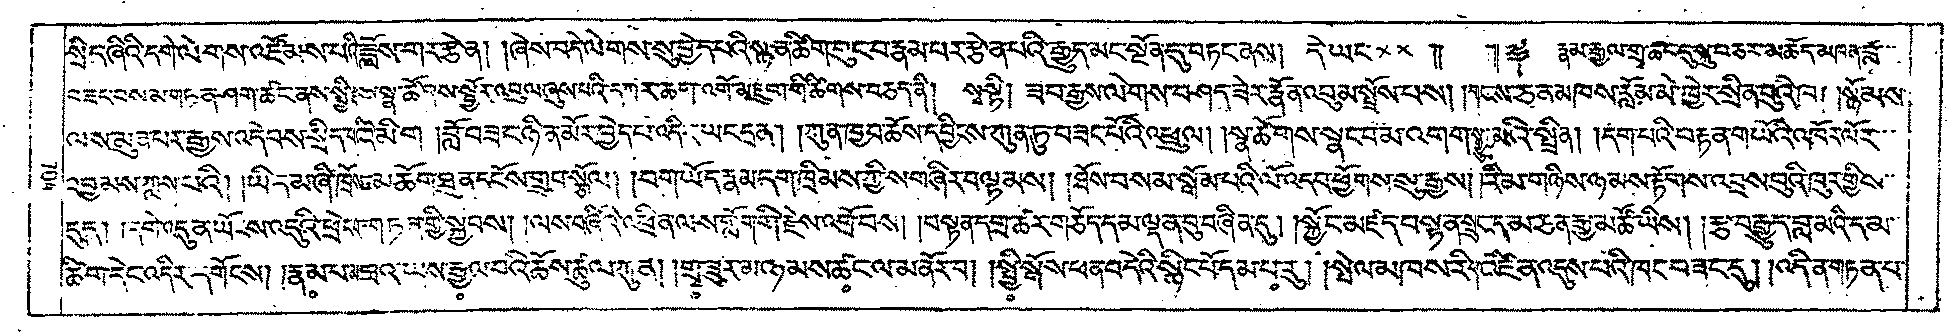སྲིད་ཞིའི་དགེ་ལེགས་འཛོམས་པའི་ཟློས་གར་རྩེན། །ཞེས་བདེ་ལེགས་སུ་བྱེད་པའི་སྙན་ཚིག་བུང་བ་རྣམ་པར་རྩེན་པའི་རྒྱུད་མང་སྔོན་དུ་བཏང་ནས། །དེ་ཡང་྾་྾།། །། ༈ རྣམ་རྒྱལ་གྲྭ་ཚང་དུ་སྐུ་བཅར་མཆོད་མཁན་བློ་
བཟང་བསམ་གཏན་ཤག་ཚང་ནས་སྤྱི་རྫས་སྣ་ཚོགས་སྦྱོར་འབུལ་ཞུས་པའི་དཀར་ཆག་འགོ་མཇུག་གི་ཚིགས་བཅད་ནི། སྭ་སྟི། ཟབ་རྒྱས་ལེགས་བཤད་ཟེར་རྣོན་འབུམ་སྤྲོས་པས། །གངས་ཅན་མཁས་རློམ་མེ་ཁྱེར་སྲིན་བུའི་ཁ། །སྙོམས་
ལས་མུན་པར་རྒྱས་འདེབས་སྲིད་པའི་མིག །བློ་བཟང་ཉིན་མོར་བྱེད་པ་འདིར་ཡང་དྲན། །ཀུན་ཁྱབ་ཆོས་དབྱིངས་ཀུན་ཏུ་བཟང་པོའི་འཕྲུལ། །སྣ་ཚོགས་སྣང་བ་མ་འགག་སྒྱུ་མའི་སྤྲིན། །དག་པའི་བརྟན་གཡོའི་འཁོར་ལོར་
འབྱམས་ཀླས་པའི། །ཡི་དམ་ཞི་ཁྲོས་མཆོག་ཐུན་དངོས་གྲུབ་སྩོལ། །བག་ཡོད་རྣམ་དག་ཁྲིམས་ཀྱི་ས་གཞིར་བལྟམས། །ཐོས་བསམ་སྒོམ་པའི་ལོ་འདབ་ཕྱོགས་སུ་རྒྱས། །རིམ་གཉིས་ཉམས་རྟོགས་འབྲས་བུའི་ཁུར་གྱིས་
དུད། །དགེ་འདུན་ཡོངས་འདུའི་ཕྲེང་བ་གཏན་གྱི་སྐྱབས། །ལས་བཞིའི་འཕྲིན་ལས་གློག་གི་རྗེས་འགྲོ་བས། །བསྟན་དགྲ་ཚར་གཅོད་དམ་ལྡན་བུ་བཞིན་དུ། །སྐྱོང་མཛད་བསྟན་སྲུང་དམ་ཅན་རྒྱ་མཚོ་ཡིས། །རྩ་བརྒྱུད་བླ་མའི་དམ་
ཚིག་དེང་འདིར་དགོངས། །རྣམ྾་པ་མཐའ་ཡས་རྒྱལ྾་བའི་ཆོས་ཚུལ་ཀུན། །གྲྭ྾་ཟུར་མ་ཉམས་ཚང྾་ལ་མ་ནོར་བ། །སྤྱི྾་སྒོས་ཕན་བདེའི་སྙིང་པོ་དམ་པ྾་རུ། །སྤེལ་མཁས་རིག་འཛིན་འདུས་པའི་ཁང་བཟང་དུ། །འདི་ན་གཏན་པ་